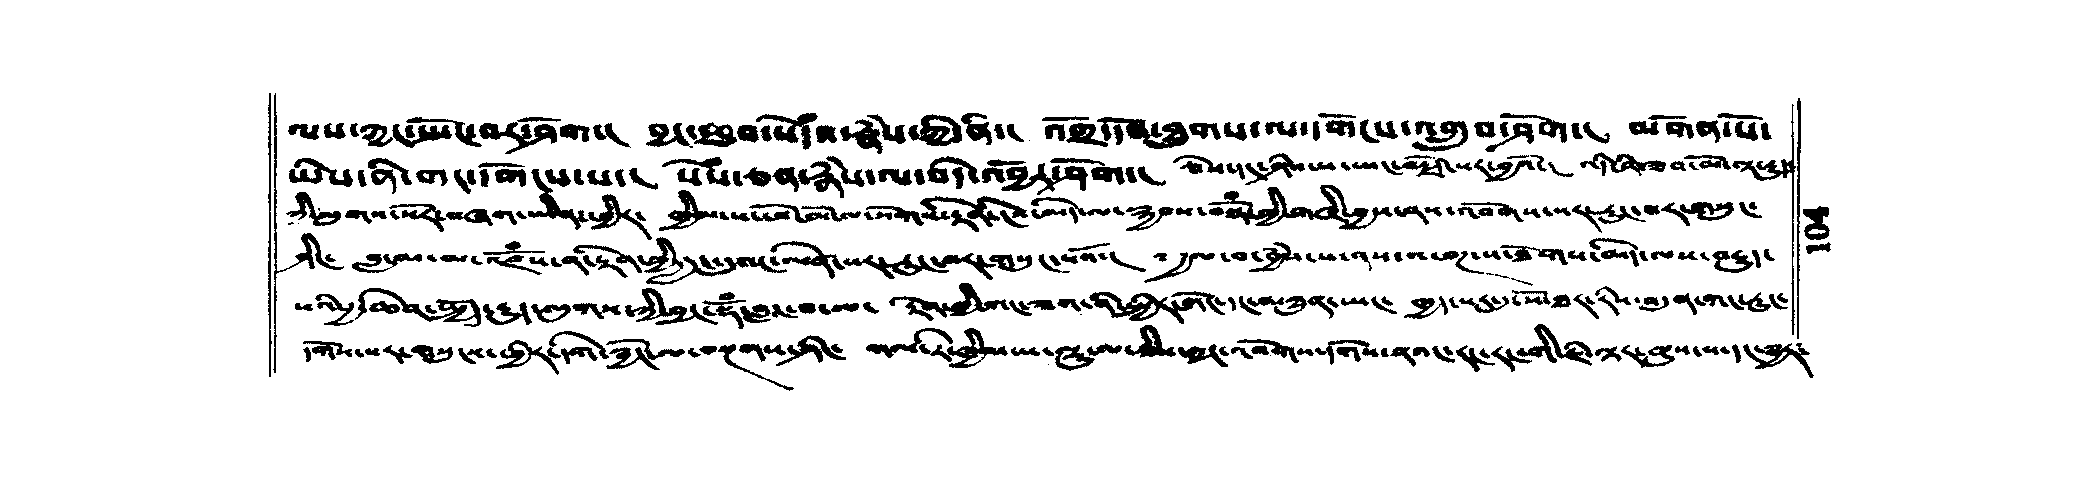ལས་ཀྱང་སྤོང་བར་ཤོག བྱང་ཆུབ་སེམས་དཔའ་རྣམས་ཀྱི་ནི། འགྲོ་དོན་ཐུགས་ལ་དགོངས་འགྲུབ་ཤོག མགོན་པོ་
ཡིས་ནི་གང་དགོངས་པ། སེམས་ཅན་རྣམས་ལ་བདེ་འབྱོར་ཤོག ཅེས་དང་ཤེས་པ་ཡག་བརྗོད་པར་བྱའོ། འདི་ནི་ཟབ་མོ་ལྟ་རྒྱུད་
ཀྱི་ལུགས་པོར་བཞག་ཡིན་ཕྱིར། ཁྱིམ་པ་ཕོ་མོ་ལ་སོགས་རྟེན་ངེས་མེད་ལ་སྐྱབས་བསྡོམ་གྱི་གཞི་བྱས་ནས་འབོགས་པར་རུང་བར་གསུང་
ཞིང་། བླ་མ་མ་འཛོམས་ན་རྟེན་གྱི་དྲུང་དུའང་ལེན་པར་རུང་བར་གསུང་པའོ། རྒྱལ་བ་བྱམས་པ་ནས་འཕགས་པ་ཐོགས་མེད་ལས་བརྒྱུད་
པའི་རྒྱ་ཆེན་སྤྱོད་རྒྱུད་ལུགས་ཀྱི་བྱང་སྡོམ་བླང་བ་ལ།རྟེན་གྱི་གང་ཟག་ནི་སྤྱིར་གོང་དང་མཐུན་ཡང་། ཁྱད་པར་དུ་སོ་ཐར་རེས་བདུན་གང་རུང་
དགོས་པར་གསུངས་ཕྱིར་དགེ་སྦྱོང་ལ་བསྔགས་ཤིང་། གལ་ཏེ་ཁྱིམ་པ་ལྟ་བུ་ལ་ཅིས་ཀྱང་འབོགས་དགོས་ནའང་རང་རང་གི་ཇི་ལྟར་ནུས་པ་དང་སྦྱར་